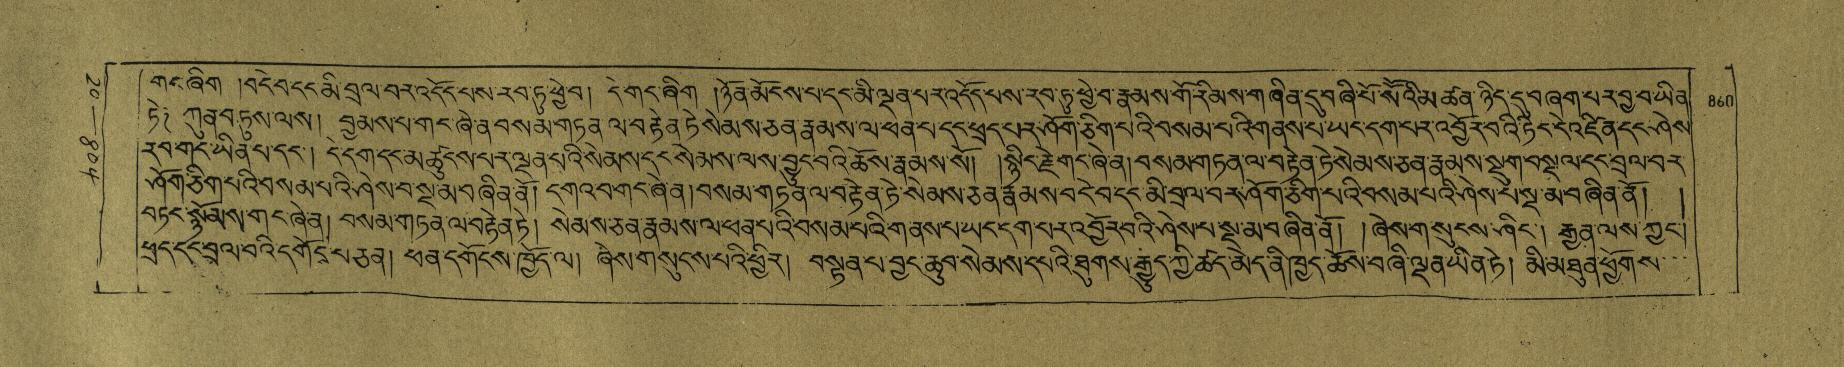གང་ཞིག །བདེ་བ་དང་མི་བྲལ་བར་འདོད་པས་རབ་ཏུ་ཕྱེ་བ། དེ་གང་ཞིག །ཉོན་མོངས་པ་དང་མི་ལྡན་པར་འདོད་པས་རབ་ཏུ་ཕྱེ་བ་རྣམས་གོ་རིམས་གཞིན་དུ་བཞི་པོ་སཽའི་མཚན་ཉིད་དུ་བཞག་པར་བྱ་བ་ཡིན་
ཏེ༑ ཀུན་བཏུས་ལས། བྱམས་པ་གང་ཞེ་ན་བསམ་གཏན་ལ་བརྟེན་ཏེ་སེམས་ཅན་རྣམས་ལ་ཕན་པ་དང་ཕྲད་པར་ཤོག་ཅིག་པའི་བསམ་པའི་གནས་པ་ཡང་དག་པར་འབྱོར་བའི་ཏིང་ངེ་འཛིན་དང་ཤེས་
རབ་གང་ཡིན་པ་དང་། དེ་དག་དང་མཚུངས་པར་ལྡན་པའི་སེམས་དང་སེམས་ལས་བྱུང་བའི་ཆོས་རྣམས་སོ། །སྙིང་རྗེ་གང་ཞེ་ན། བསམ་གཏན་ལ་བརྟེན་ཏེ་སེམས་ཅན་རྣམས་སྡུག་བསྔལ་དང་བྲལ་བར་
ཤོག་ཅིག་པའི་བསམ་པའི་ཤེས་པ་སྔ་མ་བཞིན་ནོ། དགའ་བ་གང་ཞེ་ན། བསམ་གཏན་ལ་བརྟེན་ཏེ་སེམས་ཅན་རྣམས་བདེ་བ་དང་མི་བྲལ་བར་ཤོག་ཅིག་པའི་བསམ་པའི་ཤེས་པ་སྔ་མ་བཞིན་ནོ། །
བཏང་སྙོམས་གང་ཞེ་ན། བསམ་གཏན་ལ་བརྟེན་ཏེ། སེམས་ཅན་རྣམས་ལ་ཕན་པའི་བསམ་པའི་གནས་པ་ཡང་དག་པར་འབྱོར་བའི་ཤེས་པ་སྔ་མ་བཞིན་ནོ། །ཞེས་གསུངས་ཤིང་། རྒྱན་ལས་ཀྱང་།
ཕྲད་དང་བྲལ་བའི་དགོངས་པ་ཅན། ཕན་དགོངས་ཁྱོད་ལ། ཞེས་གསུངས་པའི་ཕྱིར། བསྟན་པ་བྱང་ཆུབ་སེམས་དཔའི་ཐུགས་རྒྱུད་ཀྱི་ཚད་མེད་ནི་ཁྱད་ཆོས་བཞི་ལྡན་ཡིན་ཏེ། མི་མཐུན་ཕྱོགས་